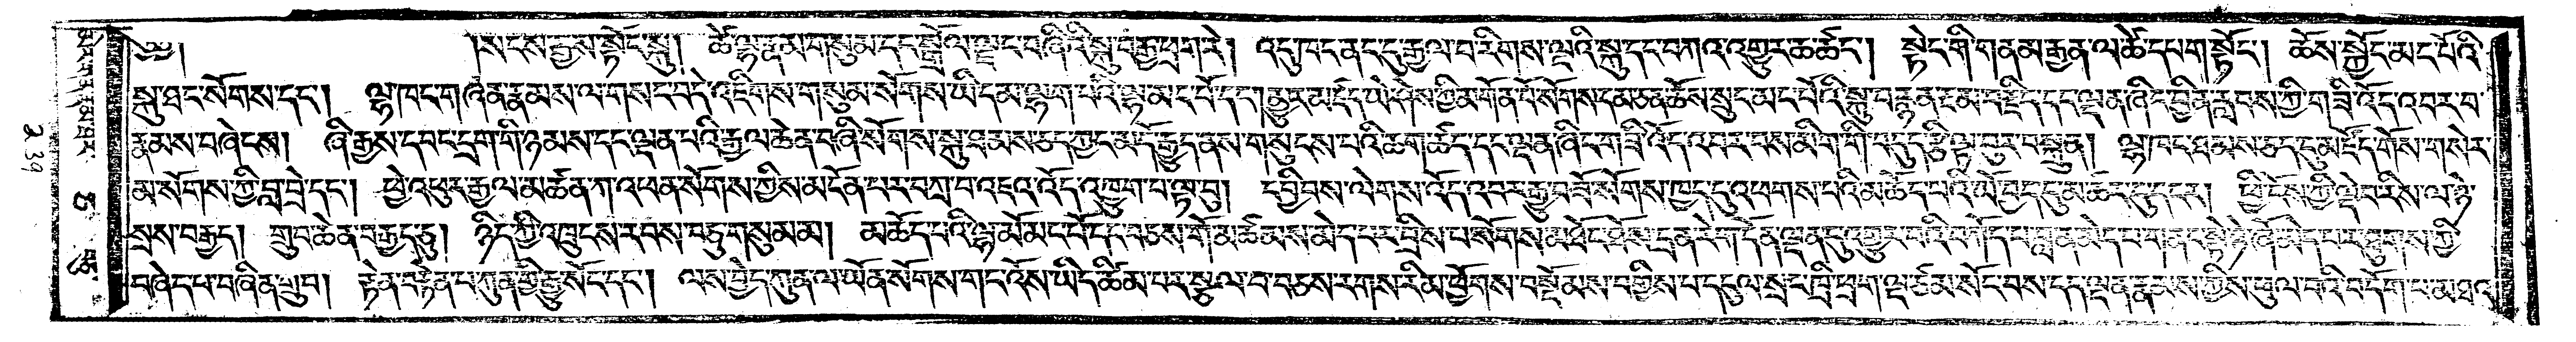༄༅། །སངས་རྒྱས་སྟོང་སྐུ། ཚེ་ལྷ་རྣམ་གསུམ་དང་སྒྲོལ་ལྗང་བཞིའི་སྐུ་བརྒྱ་ཕྲག་རེ། འདུ་ཁང་ནང་དུ་རྒྱལ་བ་རིགས་ལྔའི་སྐུ་དང་བཀའ་འགྱུར་ཆ་ཚང་། སྟེང་གི་གནམ་རྒྱན་ལ་ཚེ་དཔག་སྟོང་། ཆོས་སྐྱོང་མང་པོའི་
སྐུ་ཐང་སོགས་དང་། ལྷ་ཁང་གཞན་རྣམས་ལ་གསང་བདེ་འཇིགས་གསུམ་སོགས་ཡི་དམ་ལྷག་པའི་ལྷ་མང་པོ་དང་། མྱུར་མཛད་ཡེ་ཤེས་ཀྱི་མགོན་པོ་སོགས་དམ་ཅན་ཆོས་སྲུང་མང་པོ་སྐུ་བརྙན་རྔམ་བརྫིད་དང་ལྡན་ཞིང་བྱིན་རླབས་ཀྱི་གཟི་འོད་འབར་བ་
རྣམས་བཞེངས། ཞི་རྒྱས་དབང་དྲག་གི་ཉམས་དང་ལྡན་པའི་རྒྱལ་ཆེན་བཞི་སོགས་སྐུ་ཐམས་ཅད་ཀྱང་མདོ་རྒྱུད་ནས་གསུངས་པའི་ཆག་ཚད་དང་ལྡན་ཞིང་གཟི་འོད་འབར་བས་མིག་གི་བདུད་རྩི་ལྟ་བུར་བསྐྲུན། ལྷ་ཁང་ཐམས་ཅད་དུ་མཛོད་གོས་གསེར་
མ་སོགས་ཀྱི་བླ་བྲེ་དང་། ཕྱེ་འཕུར་རྒྱལ་མཚན་ཀ་འཕན་སོགས་ཀྱིས་མངོན་པར་བཀྲ་བ་འཇའ་འོད་འཁྱུག་པ་ལྟ་བུ། དབྱིབས་ལེགས་འོད་འབར་རྒྱུ་བཟོ་སོགས་ཁྱད་དུ་འཕགས་པའི་མཆོད་པའི་ཡོ་བྱད་དུ་མཚར་དུ་དངར། ཕྱི་ངོས་ཀྱི་ལྡེབ་རིས་ལ་ཉེ་
སྲས་བརྒྱད། གྲུབ་ཆེན་བརྒྱད་ཅུ། ཉིད་ཀྱི་འཁྲུངས་རབས་བཅུ་གསུམ་མ། མཆོད་པའི་ལྷ་མོ་མང་པོ་དང་བཅས་གོ་མཚམས་མེད་པར་བྲིས་པ་སོགས་མཐོང་ཐོས་དྲན་རེག་དོན་ལྡན་དུ་འགྱུར་བའི་བཀོད་པ་བླ་ན་མེད་པ་གནང་སྟེ་ཉེ་ཞོ་མེད་པར་ཐུགས་ཀྱི་
བཞེད་པ་བཞིན་གྲུབ། རྟེན་བརྟེན་བ་ཀུན་གྱི་རྒྱུ་སོང་དང་། ལས་བྱེད་ཀུན་ལ་ཡོན་སོགས་གང་འོས་ཡིད་ཚིམ་པར་སྩལ་བ་བཅས་རགས་རིམ་ཕྱོགས་བསྡོམས་བགྱིས་པ་དངུལ་སྲང་ཁྲི་ཕྲག་ལྔ་ཙམ་སོང་བས་དད་ལྡན་རྣམས་ཀྱིས་ཕུལ་བའི་བདོག་པ་མཐའ་